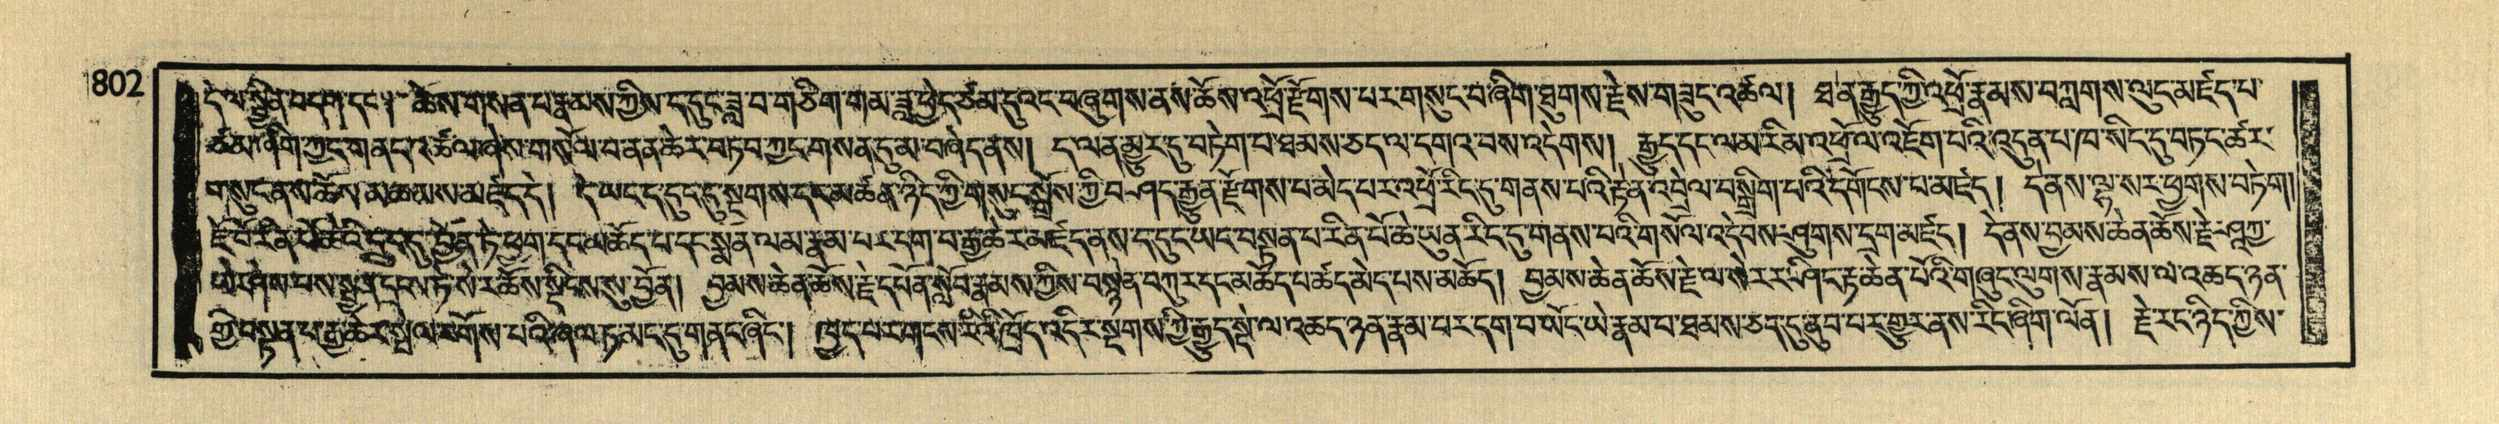དེ་ལ་སྦྱིན་བདག་དང་། ཆོས་གསན་པ་རྣམས་ཀྱིས་ད་དུང་ཟླ་བ་གཅིག་གམ་ཟླ་ཕྱེད་ཙམ་དུའང་བཞུགས་ནས་ཆོས་འཕྲོ་རྫོགས་པར་གསུང་བ་ཞིག་ཐུགས་རྗེས་གཟུང་འཚལ། ཐ་ན་རྒྱུད་ཀྱི་འཕྲོ་རྣམས་བཀླགས་ལུང་མཛད་པ་
ཙམ་ཞིག་ཀྱང་གནང་འཚལ་ཞེས་གསོལ་བ་ནན་ཆེར་བཏབ་ཀྱང་གསན་དུ་མ་བཞེད་ནས། ད་ལན་མྱུར་དུ་བཏེག་པ་ཐམས་ཅད་ལ་དགའ་བས་འདེགས། རྒྱུད་དང་ལམ་རིམ་འཕྲོ་ལ་འཇོག་པའི་འདུན་པ་ཁ་སིང་དུ་བཏང་ཚར་
གསུང་ནས་ཆོས་མཆམས་མཛད་དེ། དེ་ཡང་ད་དུང་དུ་སྔགས་དང་མཚན་ཉིད་ཀྱི་གསུང་སྒྲོས་ཀྱི་བཤད་རྒྱུན་རྫོགས་པ་མེད་པར་འཕྲོ་རིང་དུ་གནས་པའི་རྟེན་འབྲེལ་བསྒྲིག་པའི་དགོངས་པ་མཛད། དེ་ནས་ལྷ་སར་ཕྱགས་བཏེག།
ཇོ་བོ་རིན་པོ་ཆེའི་དྲུང་དུ་བྱོན་ཏེ་ཕྱག་དང་མཆོད་པ་དང་སྨོན་ལམ་རྣམ་པར་དག་བ་རྒྱ་ཆེར་མཛད་ནས་ད་དུང་ཡང་བསྟན་པ་རིན་པོ་ཆེ་ཡུན་རིང་དུ་གནས་པའི་གསོལ་འདེབས་ཤུགས་དྲག་མཛད། དེ་ནས་བྱམས་ཆེན་ཆོས་རྗེ་ཤཱཀྱ་
ཡེ་ཤེས་པས་སྤྱན་དྲངས་ཏེ་སེར་ཆོས་སྡིངས་སུ་བྱོན། བྱམས་ཆེན་ཆོས་རྗེ་དཔོན་སློབ་རྣམས་ཀྱིས་བསྙེན་བཀུར་དང་མཆོད་པ་ཚད་མེད་པས་མཆོད། བྱམས་ཆེན་ཆོས་རྗེ་ལ་སེར་ར་ཤིང་རྟ་ཆེན་པོའི་གཞུང་ལུགས་རྣམས་ལ་འཆད་ཉན་
གྱི་བསྟན་པ་རྒྱ་ཆེར་སྤེལ་བགོས་པའི་ཞལ་ཏ་མང་དུ་གནང་ཞིང་། ཁྱད་པར་གངས་རིའི་ཁྲོད་འདིར་སྔགས་ཀྱི་རྒྱུད་སྡེ་ལ་འཆད་ཉན་རྣམ་པར་དག་པ་ཡོང་ཡེ་རྣམ་པ་ཐམས་ཅད་དུ་ནུབ་པར་གྱུར་ནས་རིང་ཞིག་ལོན། རྗེ་རང་ཉིད་ཀྱིས་